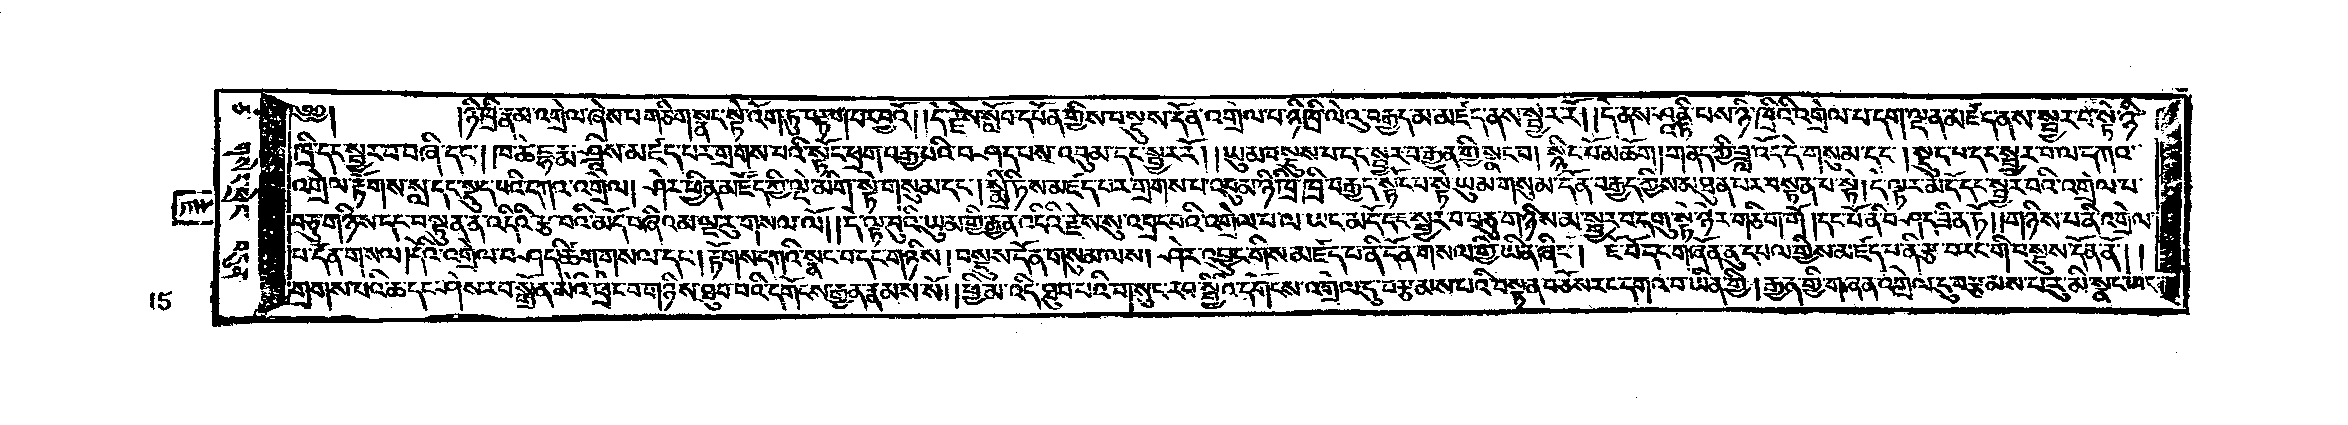༄༅། །ཉི་ཁྲི་རྣམ་འགྲེལ་ཞེས་པ་གཅིག་སྣང་སྟེ་འོག་ཏུ་བརྟག་པར་བྱའོ། །དེ་རྗེས་སློབ་དཔོན་གྱིས་བསྡུས་དོན་འགྲེལ་པ་ཉི་ཁྲི་ལེའུ་བརྒྱད་མ་མཛད་ནས་སྦྱར་རོ། །དེ་ནས་ཤཱནྟི་པས་ཉི་ཁྲིའི་འགྲེལ་པ་དག་ལྡན་མཛད་ནས་སྦྱར་བ་སྟེ་ཉི་
ཁྲི་དང་སྦྱར་བ་བཞི་དང་། ཁ་ཆེ་དྷ་རྨ་ཤྲཱིས་མཛད་པར་གྲགས་པའི་སྟོང་ཕྲག་བརྒྱ་པའི་བཤད་པས་འབུམ་དང་སྦྱར་རོ། །ཡུམ་བསྡུས་པ་དང་སྦྱར་བརྒྱན་གྱི་སྣང་བ། སྙིང་པོ་མཆོག །གནད་ཀྱི་ཟླ་འོད་དེ་གསུམ་དང་། སྡུད་པ་དང་སྦྱར་བ་ལ་དཀའ་
འགྲེལ་རྟོགས་སླ་དང་སྡུད་པའི་དཀའ་འགྲེལ། ཤེར་ཕྱིན་མཛོད་ཀྱི་ལྡེ་མིག་སྟེ་གསུམ་དང་། སྨྲི་ཏིས་མཛད་པར་གྲགས་པ་འབུམ་ཉི་ཁྲི་ཁྲི་བརྒྱད་སྟོང་པ་སྟེ་ཡུམ་གསུམ་དོན་བརྒྱད་ཀྱིས་མཐུན་པར་བསྟན་པ་སྟེ། དེ་ལྟར་མདོ་དང་སྦྱར་བའི་འགྲེལ་པ་
བཅུ་གཉིས་དང་བསྟུན་ན་འདིའི་རྩ་བའི་མདོ་བཞིའམ་ལྔ་རུ་གསལ་ལོ། །དེ་ལྟ་བུའི་ཡུམ་གྱི་རྒྱན་འདིའི་རྗེས་སུ་འབྲང་བའི་འགྲེལ་པ་ལ་ཡང་མདོ་དང་སྦྱར་བ་བཅུ་གཉིས་མ་སྦྱར་བ་དགུ་སྟེ་ཉེར་གཅིག་གོ །དང་པོ་ནི་བཤད་ཟིན་ཏོ། །གཉིས་པ་ནི་འགྲེལ་
པ་དོན་གསལ། དེའི་འགྲེལ་བཤད་ཚིག་གསལ་དང་། རྟོགས་དཀའི་སྣང་བ་དང་གཉིས། བསྡུས་དོན་གསུམ་ལས། ཤེར་འབྱུང་གིས་མཛད་པ་ནི་དོན་གསལ་གྱི་ཡིན་ཞིང་། ཇོ་བོ་དང་གཞོན་ནུ་དཔལ་གྱིས་མཛད་པ་ནི་རྩ་བ་རང་གི་བསྡུས་དོན་ནོ། །
གྲགས་པའི་ཆ་དང་ཤེས་རབ་སྒྲོན་མིའི་ཕྲེང་བ་གཉིས་ཐུབ་པའི་དགོངས་རྒྱན་རྣམས་སོ། །ཕྱི་མ་འདི་ཐུབ་པའི་གསུང་རབ་སྤྱིའི་དགོངས་འགྲེལ་དུ་བརྩམས་པའི་བསྟན་བཅོས་རང་དགའ་བ་ཡིན་གྱི། རྒྱན་གྱི་གཞན་འགྲེལ་དུ་བརྩམས་པ་རུ་མི་སྣང་ཡང་